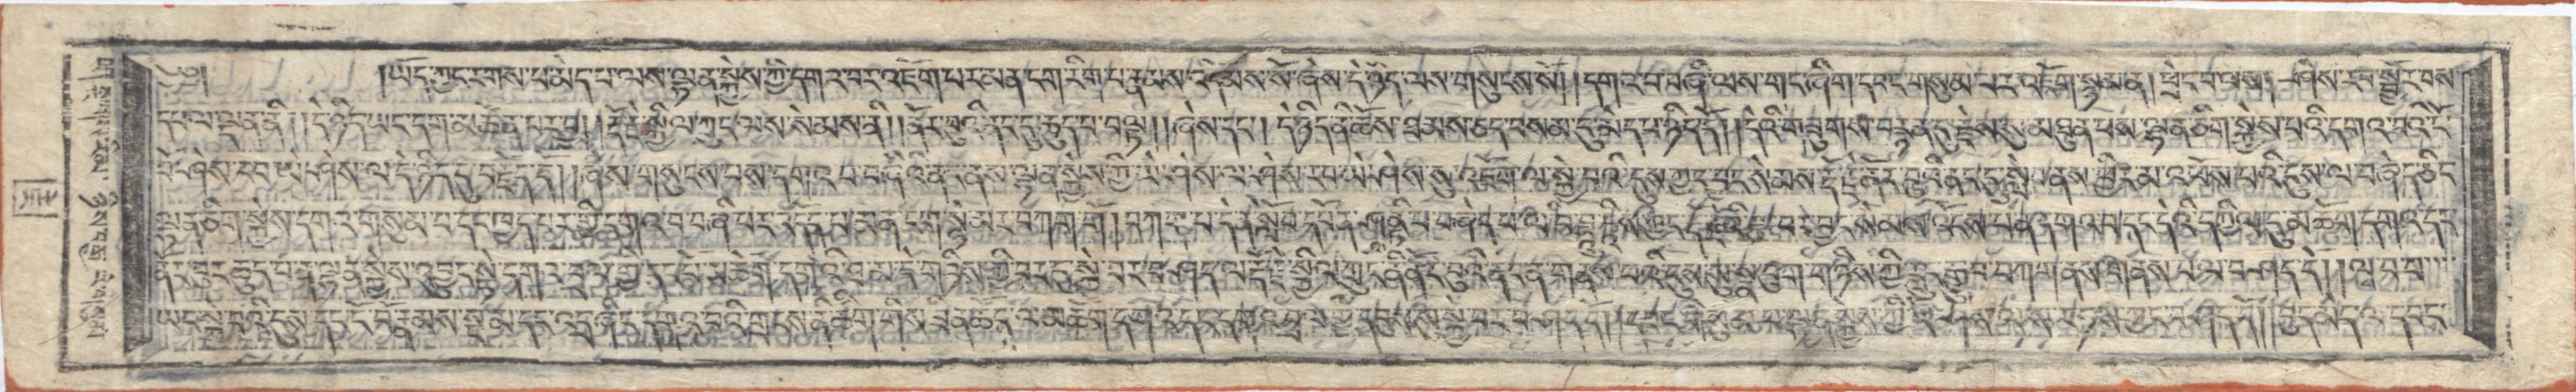༄༅། །ཡོད་ཀྱང་རགས་པ་མེད་པ་ལས་ལྷན་སྐྱེས་ཀྱི་དགའ་བར་འཇོག་པར་མན་ངག་རིག་པ་རྣམས་འདོམས་སོ་ཞེས་དེ་ཉིད་ལས་གསུངས་སོ། །དགའ་བ་བཞི་ལས་གང་ཞིག་དབང་གསུམ་པར་འཇོག་སྙམ་ན། ཕྲེང་བ་ལས། ཤེས་རབ་སྦྱོར་བས་
དཔལ་ལྡན་ནི། །དེ་ཉིད་ཡང་དག་མཚོན་པར་བྱ། །རྡོ་རྗེ་སྐྱིལ་ཀྲུང་ལས་སེམས་ནི། །ནོར་བུའི་ནང་དུ་ཆུད་པ་བལྟ། །ཞེས་དང་། དེ་ཉིད་ནི་ཆོས་ཐམས་ཅད་བསམ་དུ་མེད་པ་ཉིད་དོ། །དེའི་གཟུགས་བརྙན་དུ་རྗེས་སུ་མཐུན་པས་ལྷན་ཅིག་སྐྱེས་པའི་དགའ་བའི་ངོ་
བོ་ཤེས་རབ་ཡེ་ཤེས་ལ་དེ་ཉིད་དུ་བརྗོད་དོ། །ཞེས་གསུངས་པས་དགའ་བ་བཞིའི་ནང་ནས་ལྷན་སྐྱེས་ཀྱི་ཡེ་ཤེས་ལ་ཤེས་རབ་ཡེ་ཤེས་སུ་འཇོག་ལ་སྐྱེ་བའི་དུས་ཀྱང་བྱང་སེམས་རྡོ་རྗེ་ནོར་བུའི་ནང་དུ་སླེབ་ནས་ཕྱིར་མ་འཕོས་པའི་དུས་ལ་བཞེད་ཅིང་
ལྷན་ཅིག་སྐྱེས་དགའ་གསུམ་པ་དང་ཁྱད་པར་གྱི་དགའ་བ་བཞི་པར་འདོད་པ་མན་ངག་སྙེ་མར་བཀག་གོ །བཀག་པ་དེ་ནི་སློབ་དཔོན་ཤཱནྟི་པ་བཞེད་པ་ལ་བི་བྷཱུ་ཏཱིས་ཀྱང་རྡོ་རྗེའི་རྩ་བར་བྱང་སེམས་འོངས་པ་ན་དགའ་བ་དང་དེའི་དཀྱིལ་དུ་མཆོག་དགའ་དང་
ནོར་བུར་ཆུད་པ་ན་ལྷན་སྐྱེས་འབྱུང་སྟེ་དགའ་བྲལ་གྱི་དང་པོ་མཆོག་དགའི་ཐ་མ་དེ་གཉིས་ཀྱི་བར་དུ་སྐྱེ་བར་བཤད་ལ་རྡོ་རྗེ་སྐྱིལ་ཀྲུང་ནི་ནོར་བུའི་ནང་ན་གནས་པའི་དུས་སུ་སྣ་བུག་གཉིས་ཀྱི་རླུང་རྒྱུ་བ་བཀག་ནས་གནས་པ་ལ་བཤད་དོ། །ལྭ་བ་པ་
ཡང་སྐྱེ་བའི་དུས་དང་ངོ་བོ་རྣམས་སྔ་མ་དང་འདྲ་ཞིང་དགའ་བའི་གྲངས་ནི་ཚིག་གིས་ཟིན་ཚོད་ལ་མཆོག་དགའ་དང་དགའ་བྲལ་གྱི་དབུས་སུ་སྐྱེ་བར་བཤད་དོ། །དབང་གསུམ་པ་ལྷན་སྐྱེས་ཀྱི་ཡེ་ཤེས་ལ་ས་ར་ཧས་ཀྱང་བཤད་དོ། །བུད་མེད་ལ་དབང་